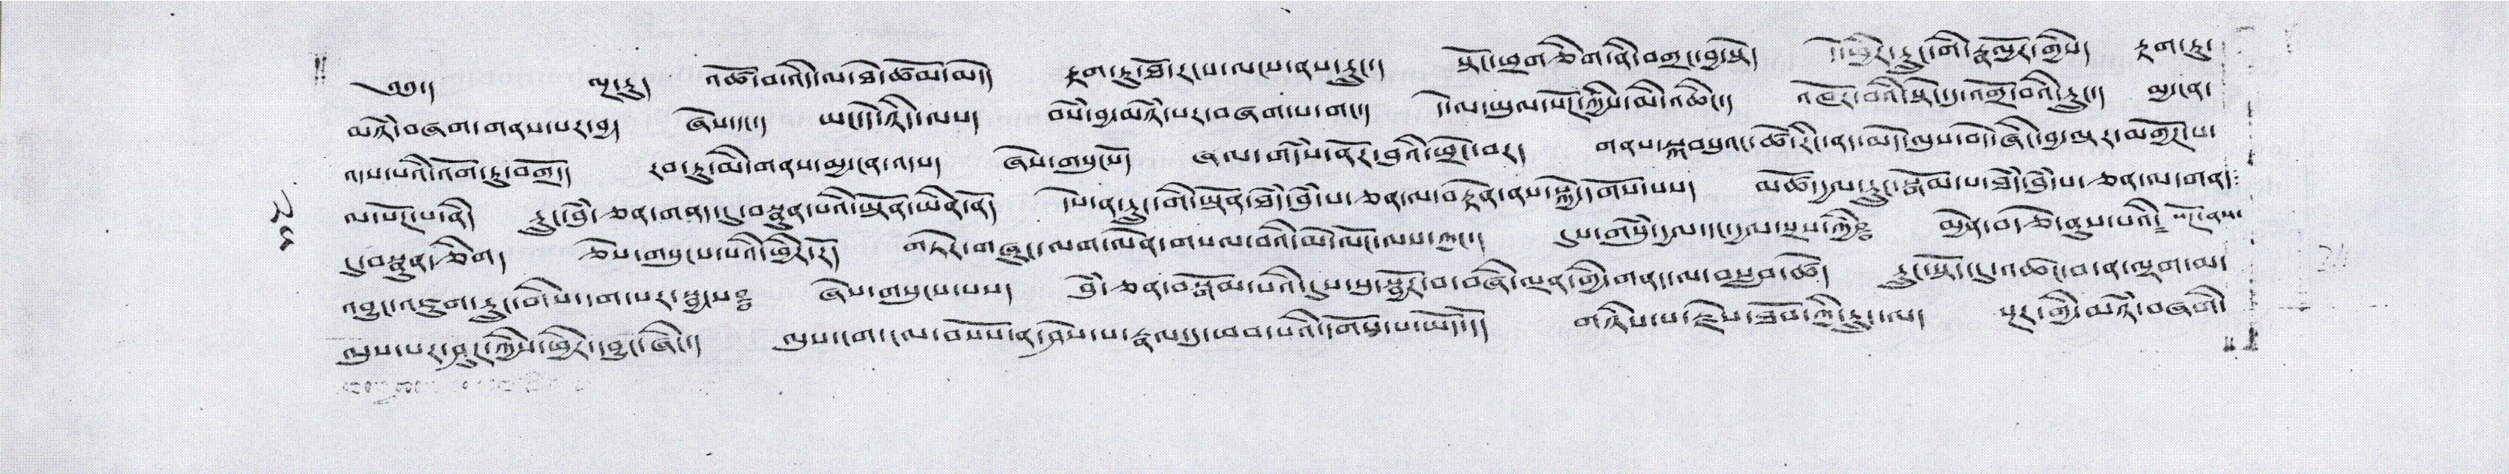ལྔ་རུ། འཚོ་བ་འདི་ལ་ཐེ་ཚོམ་མེད། རྟག་ཏུ་ཐོི་རངས་ནས་རླུང་། སྟོང་ཕྲག་གཅིག་ནི་བགྲང་བྱ་སྟེ། དེ་ཕྱིར་རླུང་གི་རྣལ་འབྱོར་གྱིས། རྟག་ཏུ་
མཉམ་གཞག་གནས་པར་བྱ། ཞེས་དང་། ཡང་དེ་ཉིད་ལས། བསམ་བྱ་མཉམ་པར་གཞག་པ་གང་། དེ་ལ་ཡུལ་སོགས་ཀྱིས་མི་འཆིང་། འཁོར་བའི་སྟེང་དུ་འགྲོ་བའི་རླུང་། མྱ་ངན་
འདས་པའི་འོག་ཏུ་བགྲོད། རབ་ཏུ་མི་གནས་མྱ་ངན་འདས། །ཞེས་གསུངས་སོ། ཞལ་གདམས་ནོར་བུའི་ཕྲེང་བར། གནས་སྐབས་སུའང་ཚེ་རིང་ནད་མེད་ལུས་བདེ་ཞིང་བྱ་ལྟར་མགྱོགས་པ་
ལ་སོགས་པ་ནི། རླུང་བུམ་ཅན་གནད་དུ་བསྣུན་པའི་ཡོན་ཏན་ཡིན་ནོ། དེས་ནས་རླུང་གི་ཡོན་ཏན་ཐམས་ཅད་བུམ་པ་ཅན་ལ་བརྟེན་ནས་སྐྱེ་དགོས་པས། མཚོ་རྒྱལ་རླུང་སྒོམ་པ་ཐམས་ཅད་བུམ་པ་ཅན་ལ་གནད་
དུ་བསྣུན་ཅིག ཅེས་གསུངས་པའི་ཕྱིར་རོ། གཏེར་གཞུང་ལག་ལེན་གསལ་བའི་མེ་ལོང་ལས་ཀྱང་། དུས་གསུམ་རྒྱལ་དང་རྒྱལ་སྲས་ཀྱིཿ མཁྱེན་བརྩེ་ནུས་པའི། སོགས་ནས། 
འབྱུང་འཇུག་རླུང་གིས་དག་པར་སྦྱངསཿ ཞེས་གསུངས་པས། བུམ་ཅན་བསྒོམ་པའི་དུས་སུ་སྦྱོར་བ་བཞི་ལྡན་གྱི་གནད་ལ་བསླབ་ཚེ། རླུང་སྟོད་དུ་འཚང་བ་ན་ལྷག་མ་
ལུས་པར་ཤུགས་ཀྱིས་ཕྱིར་དབྱུང་ཞིང་། ལུས་ངག་ངལ་བསོས་ན་ཤེས་པ་རྣལ་དུ་ཕབ་པའི་དགོས་པ་ཡོད་དོ། །གཉིས་པ་རྗེས་ཐོབ་ཀྱི་རླུང་ལ། སྔར་གྱི་མཉམ་གཞག་གི་